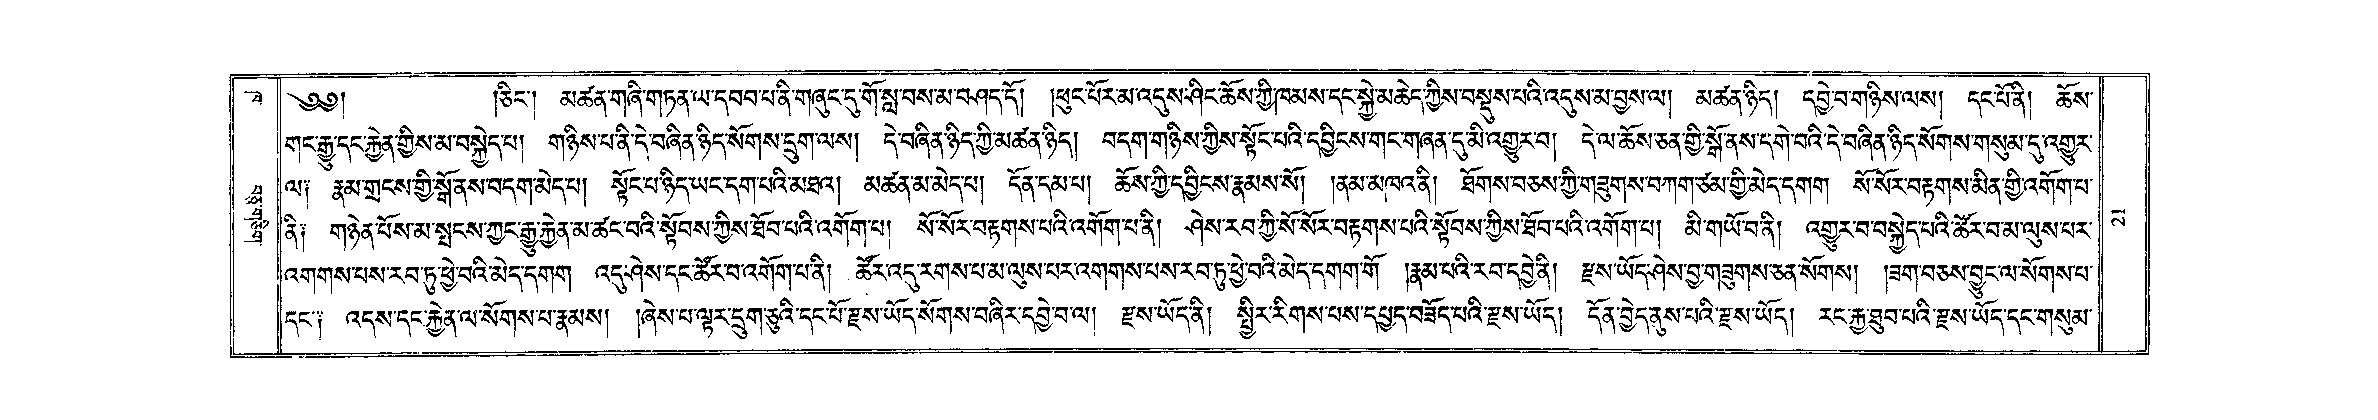༄༅། །ཅིང་། མཚན་གཞི་གཏན་ཡ་དབབ་པ་ནི་གཞུང་དུ་གོ་སླ་བས་མ་བཤད་དོ། །ཕུང་པོར་མ་འདུས་ཤིང་ཆོས་ཀྱི་ཁམས་དང་སྐྱེ་མཆེད་ཀྱིས་བསྡུས་པའི་འདུས་མ་བྱས་ལ། མཚན་ཉིད། དབྱེ་བ་གཉིས་ལས། དང་པོ་ནི། ཆོས་
གང་རྒྱུ་དང་རྐྱེན་གྱིས་མ་བསྐྱེད་པ། གཉིས་པ་ནི་དེ་བཞིན་ཉིད་སོགས་དྲུག་ལས། དེ་བཞིན་ཉིད་ཀྱི་མཚན་ཉིད། བདག་གཉིས་ཀྱིས་སྟོང་པའི་དབྱིངས་གང་གཞན་དུ་མི་འགྱུར་བ། དེ་ལ་ཆོས་ཅན་གྱི་སྒོ་ནས་དགེ་བའི་དེ་བཞིན་ཉིད་སོགས་གསུམ་དུ་འགྱུར་
ལ༑ རྣམ་གྲངས་ཀྱི་སྒོ་ནས་བདག་མེད་པ། སྟོང་པ་ཉིད་ཡང་དག་པའི་མཐའ། མཚན་མ་མེད་པ། དོན་དམ་པ། ཆོས་ཀྱི་དབྱིངས་རྣམས་སོ། །ནམ་མཁའ་ནི། ཐོགས་བཅས་ཀྱི་གཟུགས་བཀག་ཙམ་གྱི་མེད་དགག་སོ་སོར་བརྟགས་མིན་གྱི་འགོག་པ་
ནི༑ གཉེན་པོས་མ་སྤངས་ཀྱང་རྒྱུ་རྐྱེན་མ་ཚང་བའི་སྟོབས་ཀྱིས་ཐོབ་པའི་འགོག་པ། སོ་སོར་བརྟགས་པའི་འགོག་པ་ནི། ཤེས་རབ་ཀྱི་སོ་སོར་བརྟགས་པའི་སྟོབས་ཀྱིས་ཐོབ་པའི་འགོག་པ། མི་གཡོ་བ་ནི། འགྱུར་བ་བསྐྱེད་པའི་ཚོར་བ་མ་ལུས་པར་
འགགས་པས་རབ་ཏུ་ཕྱེ་བའི་མེད་དགག་འདུ་ཤེས་དང་ཚོར་བ་འགོག་པ་ནི། ཚོར་འདུ་རགས་པ་མ་ལུས་པར་འགགས་པས་རབ་ཏུ་ཕྱེ་བའི་མེད་དགག་གོ །རྣམ་པའི་རབ་དབྱེ་ནི། རྫས་ཡོད་ཤེས་བྱ་གཟུགས་ཅན་སོགས། །ཟག་བཅས་བྱུང་ལ་སོགས་པ་
དང༑ འདས་དང་རྐྱེན་ལ་སོགས་པ་རྣམས། །ཞེས་པ་ལྟར་དྲུག་ཅུའི་དང་པོ་རྫས་ཡོད་སོགས་བཞིར་དབྱེ་བ་ལ། རྫས་ཡོད་ནི། སྤྱིར་རིགས་པས་དཔྱད་བཟོད་པའི་རྫས་ཡོད། དོན་བྱེད་ནུས་པའི་རྫས་ཡོད། རང་རྐྱ་ཐུབ་པའི་རྫས་ཡོད་དང་གསུམ་